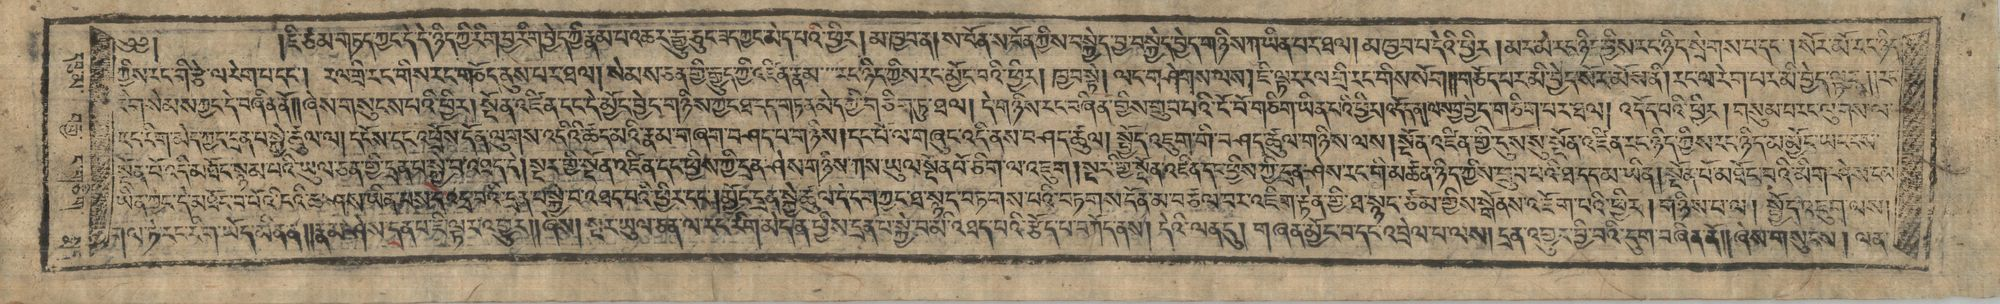༄༅། །ཇི་ཙམ་གཏད་ཀྱང་དེ་དེ་ཉིད་ཀྱི་རིག་བྱ་རིག་བྱེད་ཀྱི་རྣམ་པ་འཆར་རྒྱུ་ཅུང་ཟད་ཀྱང་མེད་པའི་ཕྱིར། མ་ཁྱབ་ན། ས་བོན་ས་བོན་ཀྱིས་བསྐྱེད་བྱ་བསྐྱེད་བྱེད་གཉིས་ཀ་ཡིན་པར་ཐལ། མ་ཁྱབ་པ་དེའི་ཕྱིར། མར་མེ་རང་ཉིད་ཀྱིས་རང་ཉིད་སྲེགས་པ་དང་། སོར་མོ་རང་ཉིད་
ཀྱིས་རང་གི་རྩེ་ལ་རེག་པ་དང་། རལ་གྲི་རང་གིས་རང་གཅོད་ནུས་པར་ཐལ། སེམས་ཅན་གྱི་རྒྱུད་ཀྱི་འཛིན་རྣམ་རང་ཉིད་ཀྱིས་རང་མྱོང་བའི་ཕྱིར། ཁྱབ་སྟེ། ལང་གཤེགས་ལས། ཇི་ལྟར་རལ་གྲིས་རང་གི་སོ། །གཅོད་པར་མི་བྱེད་སོར་མོས་ནི། རང་ལ་རེག་པར་མི་བྱེད་ལྟར། །རང་
རིག་སེམས་ཀྱང་དེ་བཞིན་ནོ། །ཞེས་གསུངས་པའི་ཕྱིར། སྔོན་འཛིན་དང་དེ་མྱོང་བྱེད་གཉིས་ཀྱང་ཐ་དད་གཏན་མེད་ཀྱི་གཅིག་ཏུ་ཐལ། དེ་གཉིས་རང་བཞིན་གྱིས་གྲུབ་པའི་ངོ་བོ་གཅིག་ཡིན་པའི་ཕྱིར། འདོད་ན། ལས་བྱ་བྱེད་གཅིག་པར་ཐལ། འདོད་པའི་ཕྱིར། གསུམ་པ་རང་ལུགས་ལ་
རང་རིག་མེད་ཀྱང་དྲན་པ་སྐྱེ་ཚུལ་ལ། དངོས་དང་འཕྲོས་དོན་ལུགས་འདིའི་ཚད་མའི་རྣམ་གཞག་བཤད་པ་གཉིས། དང་པོ་ལ་གཞུང་འདི་ནས་བཤད་ཚུལ། སྤྱོད་འཇུག་གི་བཤད་ཚུལ་གཉིས་ལས། སྔོན་འཛིན་གྱི་དུས་སུ་སྔོན་འཛིན་རང་ཉིད་ཀྱིས་རང་ཉིད་མ་མྱོང་ཡང་ངས་
སྔོན་པོ་འདི་མཐོང་སྙམ་པའི་ཡུལ་ཅན་གྱི་དྲན་པ་སྐྱེ་བ་འཐད་དེ། སྔར་གྱི་སྔོན་འཛིན་དང་ཕྱིས་ཀྱི་དྲན་ཤེས་གཉིས་ཀས་ཡུལ་སྔོན་པོ་ཅིག་ལ་འཇུག །སྔར་གྱི་སྔོན་འཛིན་དང་ཕྱིས་ཀྱི་དྲན་ཤེས་རང་གི་མཚན་ཉིད་ཀྱིས་གྲུབ་པའི་ཐ་དད་མ་ཡིན། སྔོན་པོ་མཐོང་བའི་མིག་ཤེས་ང་མ་
ཡིན་ཀྱང་དེ་མཐོང་བ་པོའི་ངའི་ཆ་ཤས་ཡིན་པས་དེ་འདྲ་བའི་དྲན་པ་སྐྱེ་བ་འཐད་པའི་ཕྱིར་དང་། མྱོང་དྲན་སྐྱེ་ཚུལ་དེ་དག་ཀྱང་ཐ་སྙད་བཏགས་པའི་བཏགས་དོན་མ་བཙལ་བར་འཇིག་རྟེན་གྱི་ཐ་སྙད་ཙམ་གྱིས་སྒོ་ནས་འཇོག་པའི་ཕྱིར། གཉིས་པ་ལ། སྤྱོད་འཇུག་ལས།
གལ་ཏེ་རང་རིག་ཡོད་མིན་ན། །རྣམ་ཤེས་དྲན་པ་ཇི་ལྟར་འགྱུར། །ཞེས། སྔར་ཡུལ་ཅན་ལ་རང་རིག་མེད་ན་ཕྱིས་དྲན་པ་སྐྱེ་བ་མི་འཐད་པའི་རྩོད་པ་བཀོད་ནས། དེའི་ལན་དུ། གཞན་མྱོང་བ་དང་འབྲེལ་པ་ལས། དྲན་འགྱུར་བྱི་བའི་དུག་བཞིན་ནོ། །ཞེས་གསུངས། ལན་